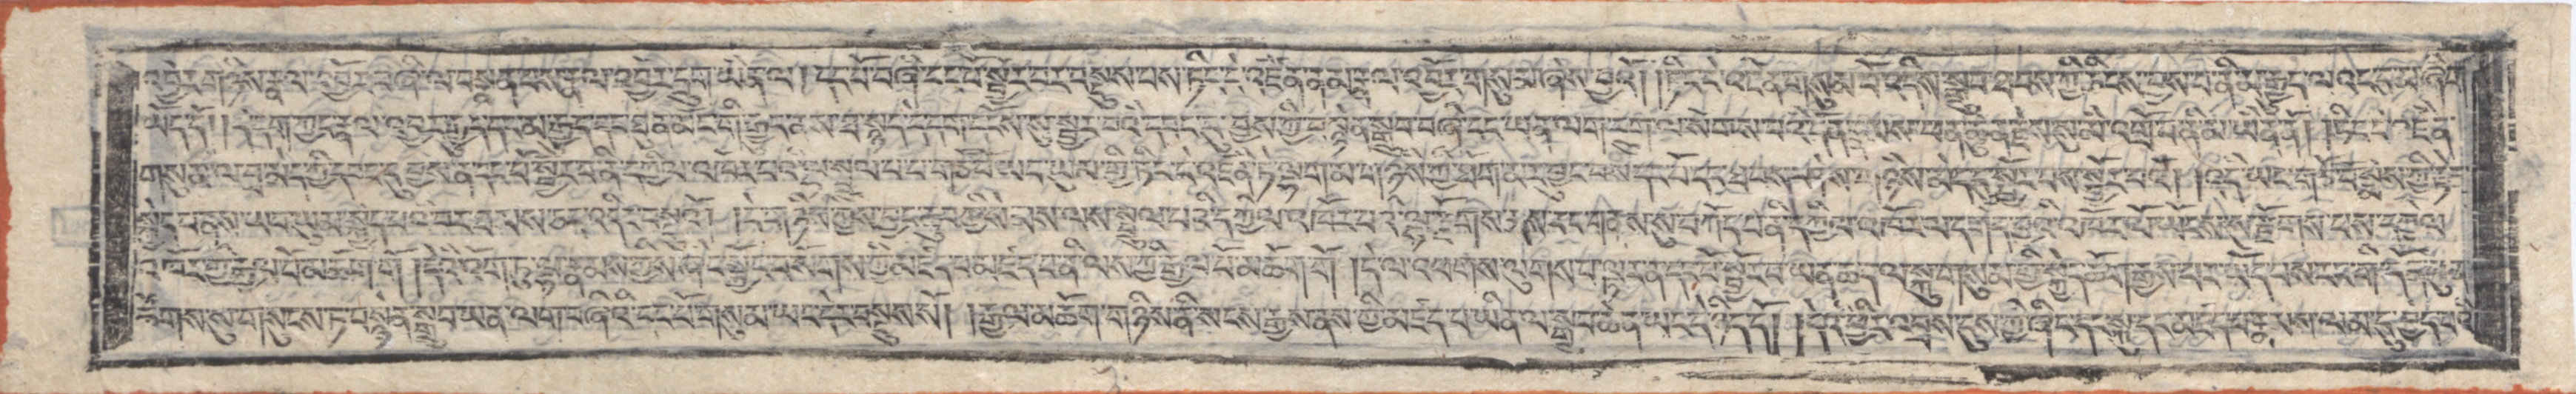འབྱོར་གཉིས་རྣལ་འབྱོར་བཞི་ལ་བསྣན་པས་རྣལ་འབྱོར་དྲུག་ཡིན་ལ། དང་པོ་བཞི་དང་པོ་སྦྱོར་བར་བསྡུས་པས་ཏིང་ངེ་འཛིན་ནམ་རྣལ་འབྱོར་གསུམ་ཞེས་བྱའོ། །ཏིང་ངེ་འཛིན་གསུམ་པོ་འདིས་སྒྲུབ་ཐབས་ཀྱི་ཆིངས་བྱས་པ་ནི་མ་རྒྱུད་ལའང་དུ་མ་ཞིག་
ཡོད་དོ། །དེ་དག་ཀྱང་རྣལ་འབྱོར་རྒྱུད་དང་མ་རྒྱུད་དང་ཐུན་མོང་གི་རྒྱུད་ནས་ཐ་སྙད་དེ་དག་དངོས་སུ་སྦྱར་བའི་དབང་དུ་བྱས་ཀྱི་བསྙེན་སྒྲུབ་བཞི་དང་ཡན་ལག་དྲུག་ལ་སོགས་པའི་དོན་རྣམས་ཕན་ཚུན་རྗེས་སུ་མི་འགྲོ་བ་ནི་མ་ཡིན་ནོ། །ཏིང་ངེ་འཛིན་
གསུམ་ལ་བླ་མེད་ཀྱི་དབང་དུ་བྱས་ན་དང་པོ་སྦྱོར་བ་ནི་དཀྱིལ་འཁོར་པའི་ལྷ་སྤྲུལ་པ་པོ་གཙོ་བོ་ཡང་ཡུམ་གྱི་ཏིང་ངེ་འཛིན་ཏེ་ལྷག་མ་གཉིས་ཀྱི་ཐོག་མར་བྱུང་བས་དང་པོ་དང་ཐབས་ཤེས་གཉིས་མེད་དུ་སྦྱོར་བས་སྦྱོར་བའོ། །འདི་ཡང་གཙོ་བོ་སྨོས་ཀྱི་རྟེན་
སྐྱེད་པ་ནས་ཡབ་ཡུམ་སྐྱེད་པའི་བར་ཐམས་ཅད་འདིར་བསྡུའོ། །དེ་གཉིས་ཀྱིས་བྱང་ཆུབ་ཀྱི་སེམས་ལས་སྤྲུལ་པའི་དཀྱིལ་འཁོར་པའི་ལྷ་རྫོགས་ནས་རང་གནས་སུ་བཀོད་པ་ནི་དཀྱིལ་འཁོར་ལ་དགོད་བྱའི་འཁོར་ལོ་ཡོངས་སུ་རྫོགས་པས་དཀྱིལ་
འཁོར་གྱི་རྒྱལ་པོ་མཆོག་གོ །དེའི་འོག་ཏུ་ལྷ་རྣམས་ཀྱིས་ཞིང་སྦྱོང་བ་སོགས་ཀྱི་མཛད་པ་མཛད་པ་ནི་ལས་ཀྱི་རྒྱལ་པོ་མཆོག་གོ །དེ་ལ་འཕགས་ལུགས་པ་ལྟར་ན་དང་པོ་སྦྱོར་བ་ཡན་ཆད་ལ་སྐུ་གསུམ་གྱི་སྐྱེད་ཆོག་རྒྱས་པར་ཡོད་པས་རང་གི་དོན་ཕུན་
ཚོགས་སུ་གསུངས་ཏེ་བསྙེན་སྒྲུབ་ཡན་ལག་བཞིའི་དང་པོ་གསུམ་ཡང་དེར་བསྡུས་སོ། །རྒྱལ་མཆོག་གཉིས་ནི་སངས་རྒྱས་ནས་ཀྱི་མཛད་པ་ཡིན་ལ་སྒྲུབ་ཆེན་ཡང་དེ་ཉིད་དོ། །དེའི་ཕྱིར་འབྲས་དུས་ཀྱི་ཞིང་དང་སྐུ་དང་མཛད་པ་རྣམས་ལམ་དུ་བྱེད་པའི་